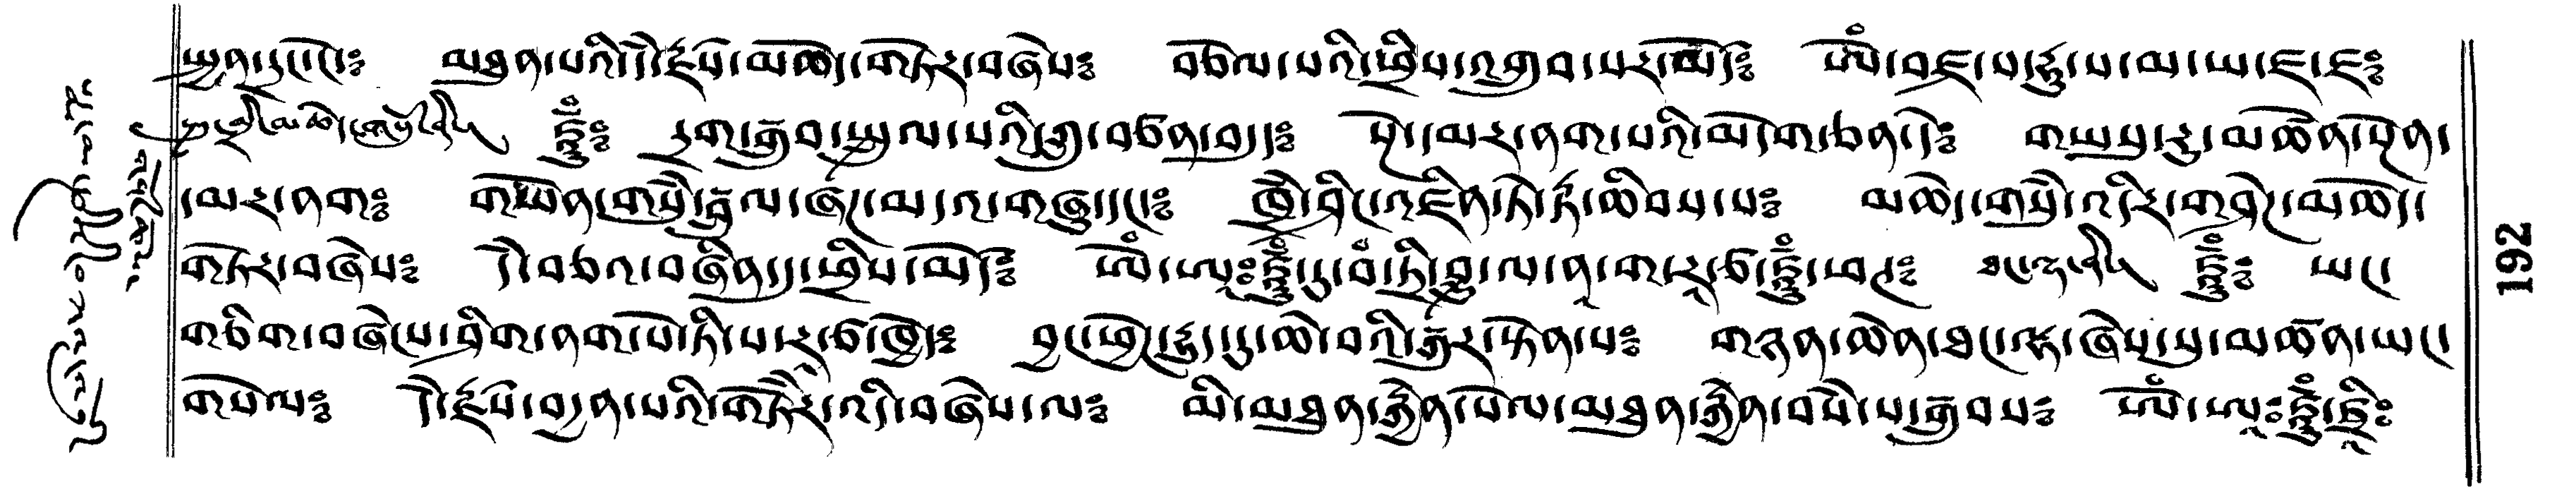སྤྱན་དྲང་ངོ༔ མཐུན་པའི་དམ་རྫས་མཆོད་གཏོར་བཞེས༔ བཅོལ་པའི་ཕྲིན་ལས་འགྲུབ་པར་མཛོད༔ ཨོཾ་བཛྲ་ས་དྷུ་ས་མ་ཡ་ཛ་ཛ༔ 
སྤུ་གྲི་མཆེད་གསུམ་ནི། ཧཱུྃ༔ དྲག་སྒྲུབ་སྤྲུལ་པའི་ཀླུ་བཙན་བདུད༔ སྔོ་དམར་ནག་པའི་མདོག་ཅན་དེ༔ གཡས་སུ་རུ་མཚོན་སྡོན་
དམར་ནག༔ གཡོན་གསུམ་སྦྲུལ་ཞགས་མདའ་གཞུ་དང༔ ཁྲམ་ཤིང་འཛིན་ཏེ་རྟ་ཆིབས་པ༔ མཆེད་གསུམ་འདིར་གཤེགས་མཆོད་
གཏོར་བཞེས༔ དམ་བཅའ་བཞིན་དུ་ཕྲིན་ལས་མཛོད༔ ཨོཾ་ཨཱཿཧཱུྃ་དུ་བཾ་ཏྲི་ཤུ་ལ་ནཱ་ག་རཱ་ཙ་ཧཱུྃ་ཕཊ༔ཐང་ལྷ་ནི། ཧཱུྃ༔ ཡང་
གཅིག་བཞེངས་ཤིག་ནག་པོ་ཏི་པ་རཱ་ཙ་ཁྱོད༔ བྱང་ཕྱོགས་རྒྱུད་དུ་ཆེ་བའི་སྐུར་སྟོན་པ༔ གཉན་ཆེན་ཐང་ལྷ་ཞེས་སུ་མཚན་ཡང་
གསོལ༔ དམ་རྫས་བརྒྱན་པའི་གཏོར་མ་འདི་བཞེས་ལ༔ མི་མཐུན་རྐྱེན་སོལ་མཐུན་རྐྱེན་བསམ་པ་སྒྲུབས༔ ཨོཾ་ཨཱཿཧཱུྃ་ཧྲཱིཿ